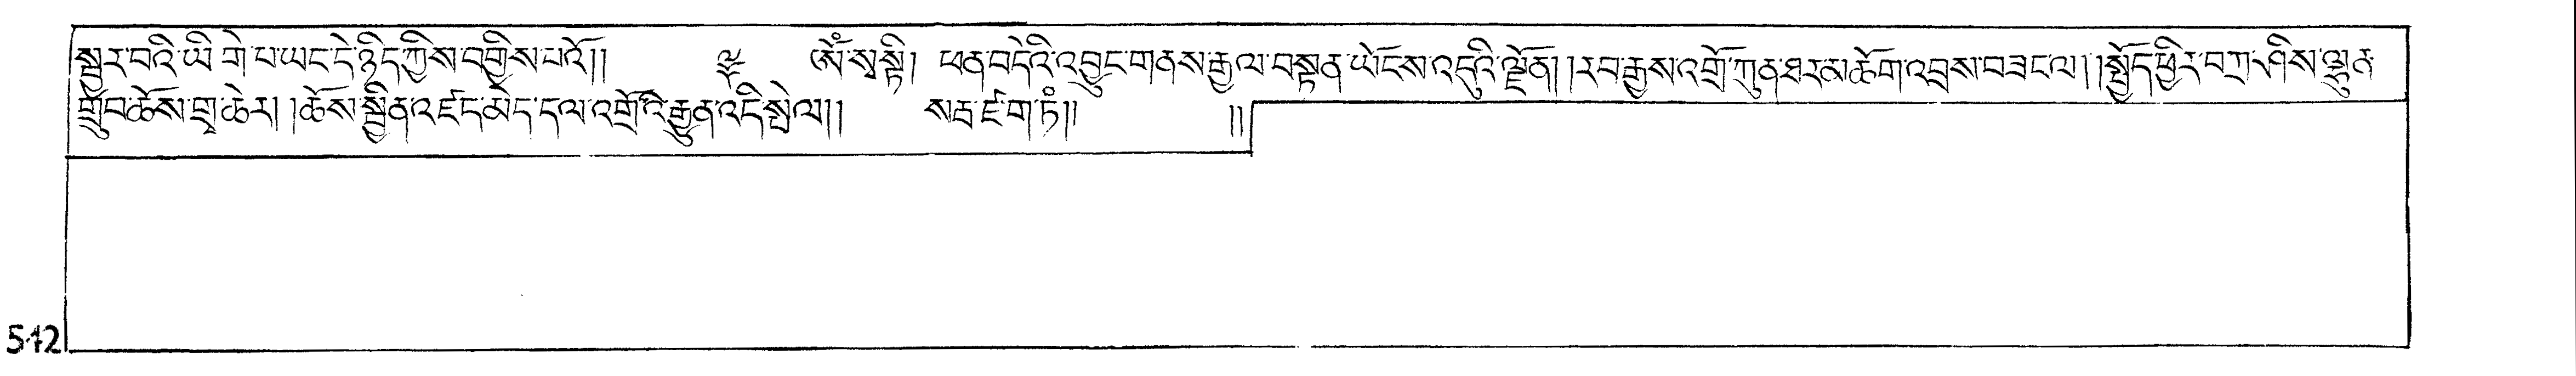སྦྱར་བའི་ཡི་གེ་པ་ཡང་དེ་ཉིད་ཀྱིས་བགྱིས་པའོ།། ༈ །།ཨོཾ་སྭ་སྟེ། ཕན་བདེའི་འབྱུང་གནས་རྒྱལ་བསྟན་ཡོངས་འདུའི་ལྗོན། །རབ་རྒྱས་འགྲོ་ཀུན་ཐར་མཆོག་འབྲས་བཟང་ལ། །སྤྱོད་ཕྱིར་ཤིས་ལྷུན་
གྲུ་ཆོས་གྲྭ་ཆེར། །ཆོས་སྦྱིན་འཛད་མེད་དལ་འགྲོའི་རྒྱུན་འདི་སྤེལ།། སརྦ་ཛ་ག་ཏཾ།། །།